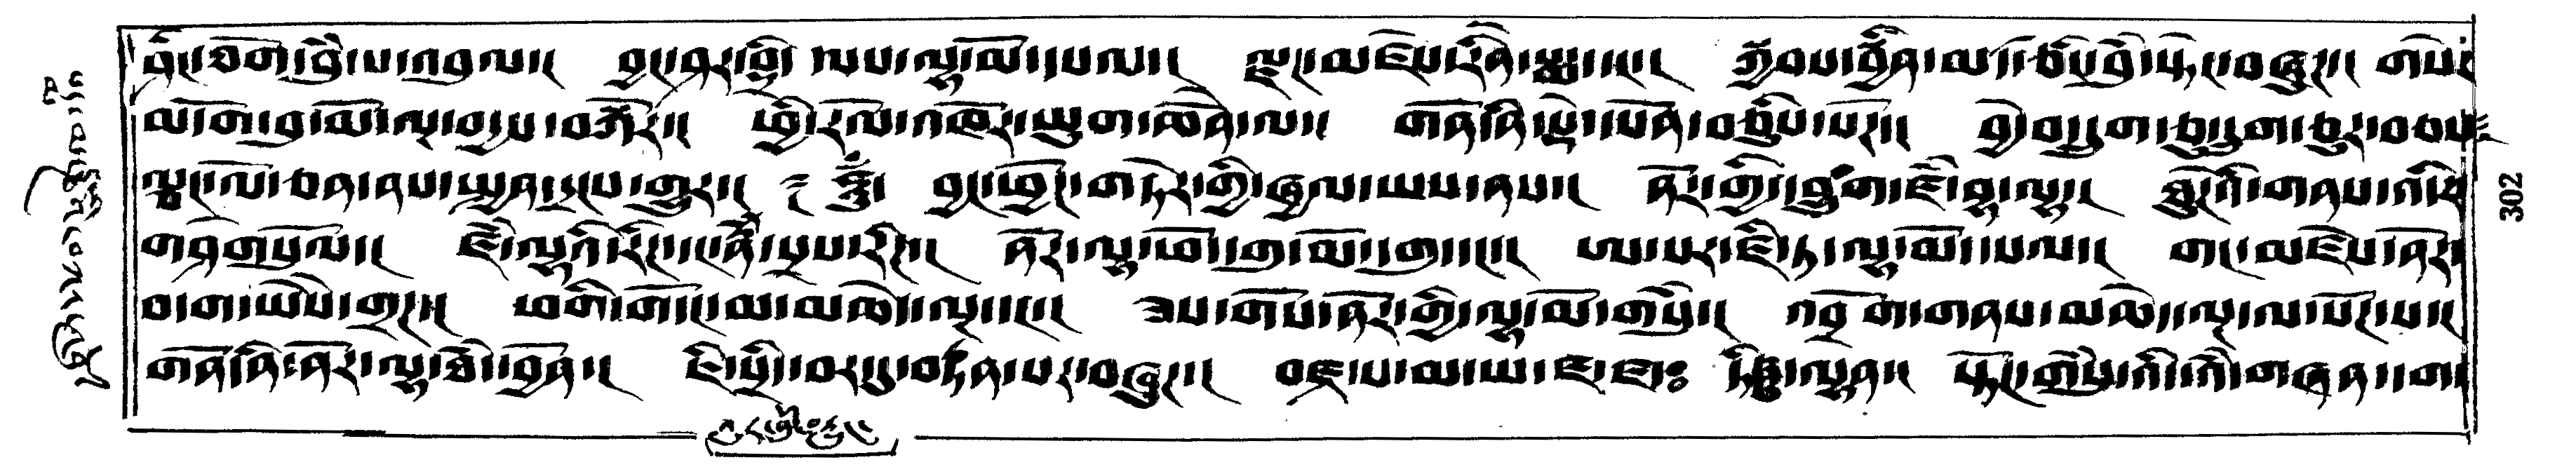ཤིང་ཐོག་བུམ་པ་འབུལ། །བྱང་ཤར་ཤྲི་ལས་ལྷ་མོ་དཔལ། །ལྗང་མཛེས་རིན་ཆེན་པདྨ་དང་། །སྐྱབས་སྦྱིན་མཛད་ཅིང་བུམ་སྟེང་བཞུགས། །གསེར་
མདོག་བུ་མོ་ལྔ་བརྒྱས་བསྐོར། །ཕྱི་རོལ་ཁོར་ཡུག་ཆེན་པོ་ལ། གནོད་སྦྱིན་སྡེ་དཔོན་བཅུ་གཉིས་སོགས། །བྱེ་བ་དྲུག་ཅུ་དྲུག་ཅུར་བཅས། 
ལྕང་ལོ་ཅན་ནས་སྤྱན་དྲངས་གྱུར།། ༈ ཧཱུྃ། བྱང་ཕྱོགས་གཏེར་གྱི་གཞལ་ཡས་ནས། །ནོར་གྱི་དབང་ཕྱུག་ཛམ་བྷ་ལྷ། །ཐུགས་རྗེའི་གནས་འདིར་
གཤེགས་སུ་གསོལ། །ཛམ་ལྷའི་རིགས་དང་རྣམ་སྲས་རིགས། །ནོར་ལྷ་ཕོ་དགུ་མོ་དགུ་དང་། །ཨ་པར་ཛི་ཏ་ལྷ་མོ་དཔལ། །གང་མཛེས་ནོར་
བདག་ཡེ་ཤེས་གྲགས། །ཕག་གི་གདོང་མོ་མཆེད་ལྔ་དང་། །ཟས་གོས་ནོར་གྱི་ལྷ་མོ་གསུམ། །འབྲོག་གནས་མཆེད་ལྔ་ལ་སོགས་པ། །
གནོད་སྦྱིན་ནོར་ལྷ་ཐམས་ཅད་བྱོན། །ཇི་སྲིད་བར་དུ་བརྟན་པར་བཞུགས། །བཛྲ་ས་མ་ཡ་ཛ་ཛཿ ཏིཥྛ་ལྷན། སྟོང་གསུམ་འདི་འམ་གཞན་དག་